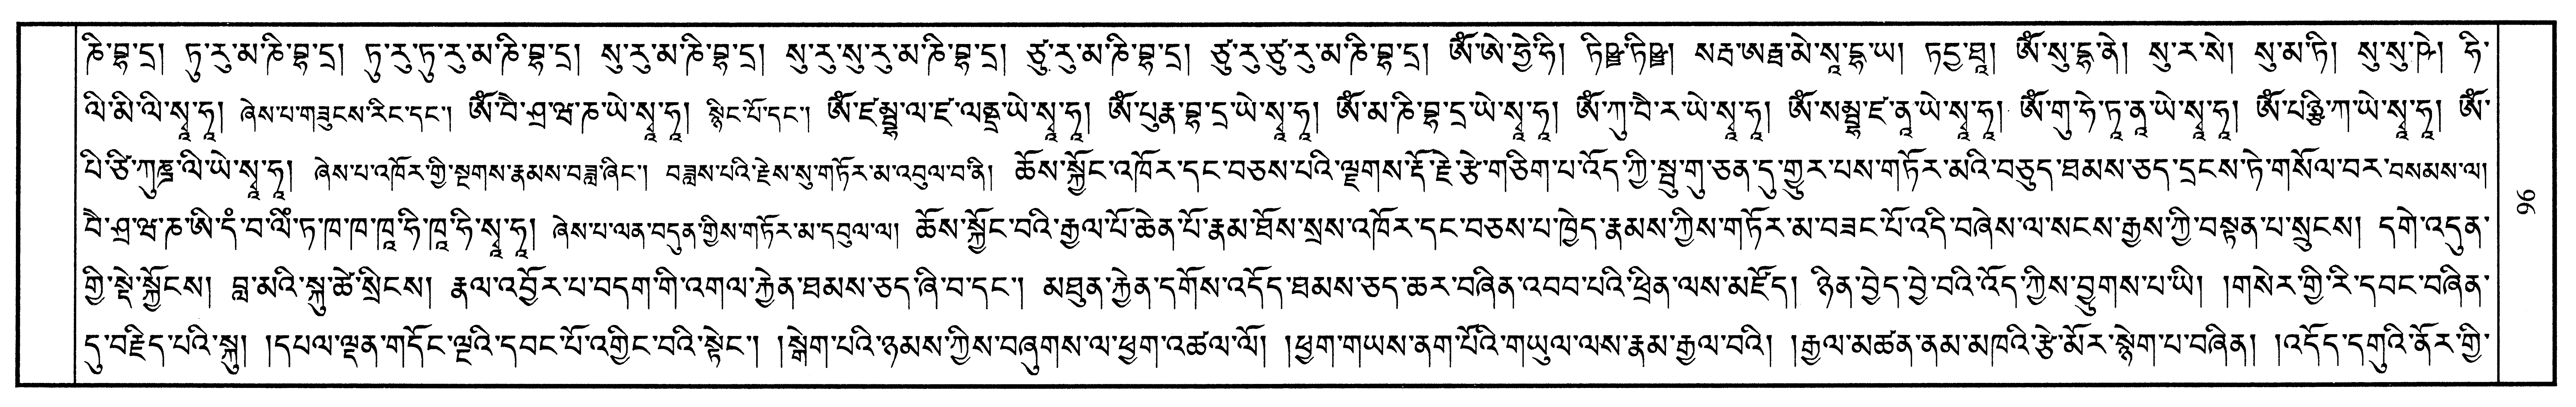ཎི་བྷ་དྲ། ཏུ་རུ་མ་ཎི་བྷ་དྲ། ཏུ་རུ་ཏུ་རུ་མ་ཎི་བྷ་དྲ། སུ་རུ་མ་ཎི་བྷ་དྲ། སུ་རུ་སུ་རུ་མ་ཎི་བྷ་དྲ། ཙུ་རུ་མ་ཎི་བྷ་དྲ། ཙུ་རུ་ཙུ་རུ་མ་ཎི་བྷ་དྲ། ཨོཾ་ཨེ་ཧྱེ་ཧི། ཏིཥཊཿཨ་ཏིཥཊཿཨ། སརྦ་ཨརྠ་མེ་སཱ་དྷ་ཡ། ཏདྱ་ཐཱ། ཨོཾ་སུ་དྷ་ནེ། སུ་ར་སེ། སུ་མ་ཏི། སུ་སུ་ཥེ། ཧི་
ལི་མི་ལི་སྭཱ་ཧཱ། ཞེས་པ་གཟུངས་རིང་དང་། ཨོཾ་བཻ་ཤྲ་ཝ་ཎ་ཡེ་སྭཱ་ཧ། སྙིང་པོ་དང་། ཨོཾ་ཛམྦྷ་ལ་ཛ་ལནྡྲ་ཡེ་སྭཱ་ཧཱ། ཨོཾ་པུརྣ་བྷ་དྲ་ཡེ་སྭཱ་ཧཱ། ཨོཾ་མ་ཎི་བྷ་དྲ་ཡེ་སྭཱ་ཧཱ། ཨོཾ་ཀུ་བཻ་ར་ཡེ་སྭཱ་ཧཱ། ཨོཾ་སམྦྷ་ཛ་ནཱ་ཡེ་སྭཱ་ཧཱ། ཨོཾ་གུ་ཧེ་ཏཱ་ནཱ་ཡེ་སྭཱ་ཧཱ། ཨོཾ་པཉྩི་ཀ་ཡེ་སྭཱ་ཧཱ། ཨོཾ་
པི་ཙི་ཀུཎྜ་ལི་ཡེ་སྭཱ་ཧཱ། ཞེས་པ་འཁོར་གྱི་སྔགས་རྣམས་བཟླ་ཞིང་། བཟླས་པའི་རྗེས་སུ་གཏོར་མ་འབུལ་བ་ནི། ཆོས་སྐྱོང་འཁོར་དང་བཅས་པའི་ལྗགས་རྡོ་རྗེ་རྩེ་གཅིག་པ་འོད་ཀྱི་སྦུ་གུ་ཅན་དུ་གྱུར་པས་གཏོར་མའི་བཅུད་ཐམས་ཅད་དྲངས་ཏེ་གསོལ་བར་བསམས་ལ།
བཻ་ཤྲ་ཝ་ཎ་ཨི་དཾ་བ་ལིཾ་ཏ་ཁ་ཁ་ཁཱ་ཧི་ཁཱ་སྭཱ་ཧཱ། ཞེས་པ་ལན་བདུན་གྱིས་གཏོར་མ་དབུལ་ལ། ཆོས་སྐྱོང་བའི་རྒྱལ་པོ་ཆེན་པོ་རྣམ་ཐོས་སྲས་འཁོར་དང་བཅས་པ་ཁྱེད་རྣམས་ཀྱིས་གཏོར་མ་བཟང་པོ་འདི་བཞེས་ལ་སངས་རྒྱས་ཀྱི་བསྟན་པ་སྲུངས། དགེ་འདུན་
གྱི་སྡེ་སྐྱོངས། བླ་མའི་སྐུ་ཚེ་སྲིངས། རྣལ་འབྱོར་པ་བདག་གི་འགལ་རྐྱེན་ཐམས་ཅད་ཞི་བ་དང་། མཐུན་རྐྱེན་དགོས་འདོད་ཐམས་ཅད་ཆར་བཞིན་འབབ་པའི་ཕྲིན་ལས་མཛོད། ཉིན་བྱེད་བྱེ་བའི་འོད་ཀྱིས་བྱུགས་པ་ཡི། །གསེར་གྱི་རི་དབང་བཞིན་
དུ་བརྗིད་པའི་སྐུ། །དཔལ་ལྡན་གདོང་ལྔའི་དབང་པོ་འགྱིང་བའི་སྟེང་། །སྒེག་པའི་ཉམས་ཀྱིས་བཞུགས་ལ་ཕྱག་འཚལ་ལོ། །ཕྱག་གཡས་ནག་པོའི་གཡུལ་ལས་རྣམ་རྒྱལ་བའི། །རྒྱལ་མཚན་ནམ་མཁའི་རྩེ་མོར་སྙེག་པ་བཞིན། །འདོད་དགུའི་ནོར་གྱི་